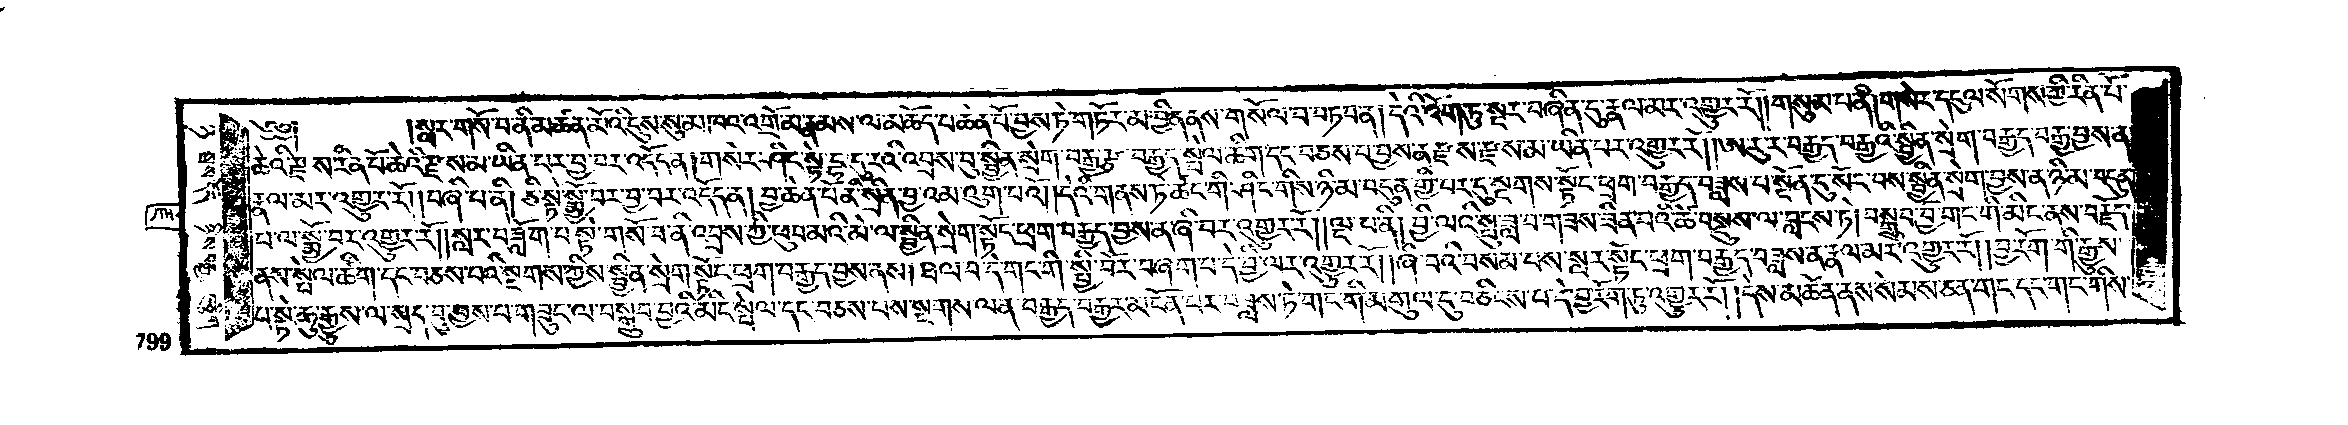༄༅། །སླར་གསོ་བ་ནི་མཚན་མོའི་དུས་སུ་མཁའ་འགྲོ་མ་རྣམས་ལ་མཆོད་པ་ཆེན་པོ་བྱས་ཏེ་གཏོར་མ་བྱིན་ནས་གསོལ་བ་བཏབ་ན། དེའི་འོག་ཏུ་སྔར་བཞིན་དུ་རྣལ་མར་འགྱུར་རོ། །གསུམ་པ་ནི། གསེར་དངུལ་སོགས་ཀྱི་རིན་པོ་
ཆེའི་རྫས་རིན་པོ་ཆེའི་རྫས་མ་ཡིན་པར་བྱ་བར་འདོད་ན། གསེར་ཤིང་སྟེ་དྷ་དུ་རའི་འབྲས་བུ་སྦྱིན་སྲེག་བརྒྱ་རྩ་བརྒྱད་སྤེལ་ཚིག་དང་བཅས་པ་བྱས་ན་རྫས་རྫས་མ་ཡིན་པར་འགྱུར་རོ། །ཨ་རུ་ར་བརྒྱད་བརྒྱའི་སྦྱིན་སྲེག་བརྒྱད་བརྒྱ་བྱས་ན་
རྣལ་མར་འགྱུར་རོ། །བཞི་པ་ནི། ཅི་སྟེ་སྨྱོ་བར་བྱ་བར་འདོད་ན། བྱ་ཆེན་པོ་ནི་སྲིན་བྱ་འམ་འུག་པའོ། །དེའི་གནས་ཏེ་ཚང་གི་ཤིང་གིས་ཉི་མ་བདུན་གྱི་བར་དུ་སྔགས་སྟོང་ཕྲག་བརྒྱད་བཟླས་པ་སྔོན་དུ་སོང་བས་སྦྱིན་སྲེག་བྱས་ན་ཉི་མ་བདུན་
པ་ལ་སྨྱོ་བར་འགྱུར་རོ། །སླར་བཟློག་པ་སྟེ་གསོ་བ་ནི་འབྲས་ཀྱི་ཕུབ་མའི་མེ་ལ་སྦྱིན་སྲེག་སྟོང་ཕྲག་བརྒྱད་བྱས་ན་ཞི་བར་འགྱུར་རོ། །ལྔ་པ་ནི། བྱི་ལའི་སྤུ་ཟླ་བ་གཟས་ཟིན་པའི་ཚེ་བསྡུས་ལ་བླངས་ཏེ། བསྒྲུབ་བྱ་གང་གི་མིང་ནས་བརྗོད་
ནས་སྤེལ་ཚིག་དང་བཅས་པའི་སྔགས་ཀྱིས་སྦྱིན་སྲེག་སྟོང་ཕྲག་བརྒྱད་བྱས་ནས། ཐལ་བ་དེ་གང་གི་སྤྱི་བོར་བཞག་པ་དེ་བྱི་ལར་འགྱུར་རོ། །ཞི་བའི་བསམ་པས་སླར་སྟོང་ཕྲག་བརྒྱད་བཟླས་ན་རྣལ་མར་འགྱུར་རོ། །བྱ་རོག་གི་རྒྱུས་
པ་སྟེ་ཆུ་རྒྱུས་ལ་སྲད་བུ་བྱས་པ་གཟུང་ལ་བསྒྲུབ་བྱའི་མིང་སྤེལ་དང་བཅས་པས་སྔགས་ལན་བརྒྱད་བརྒྱར་མངོན་པར་བཟླས་ཏེ་གང་གི་མགུལ་དུ་བཅིངས་པ་དེ་བྱ་རོག་ཏུ་འགྱུར་རོ། །དེས་མཚོན་ནས་སེམས་ཅན་གང་དང་གང་གིས་